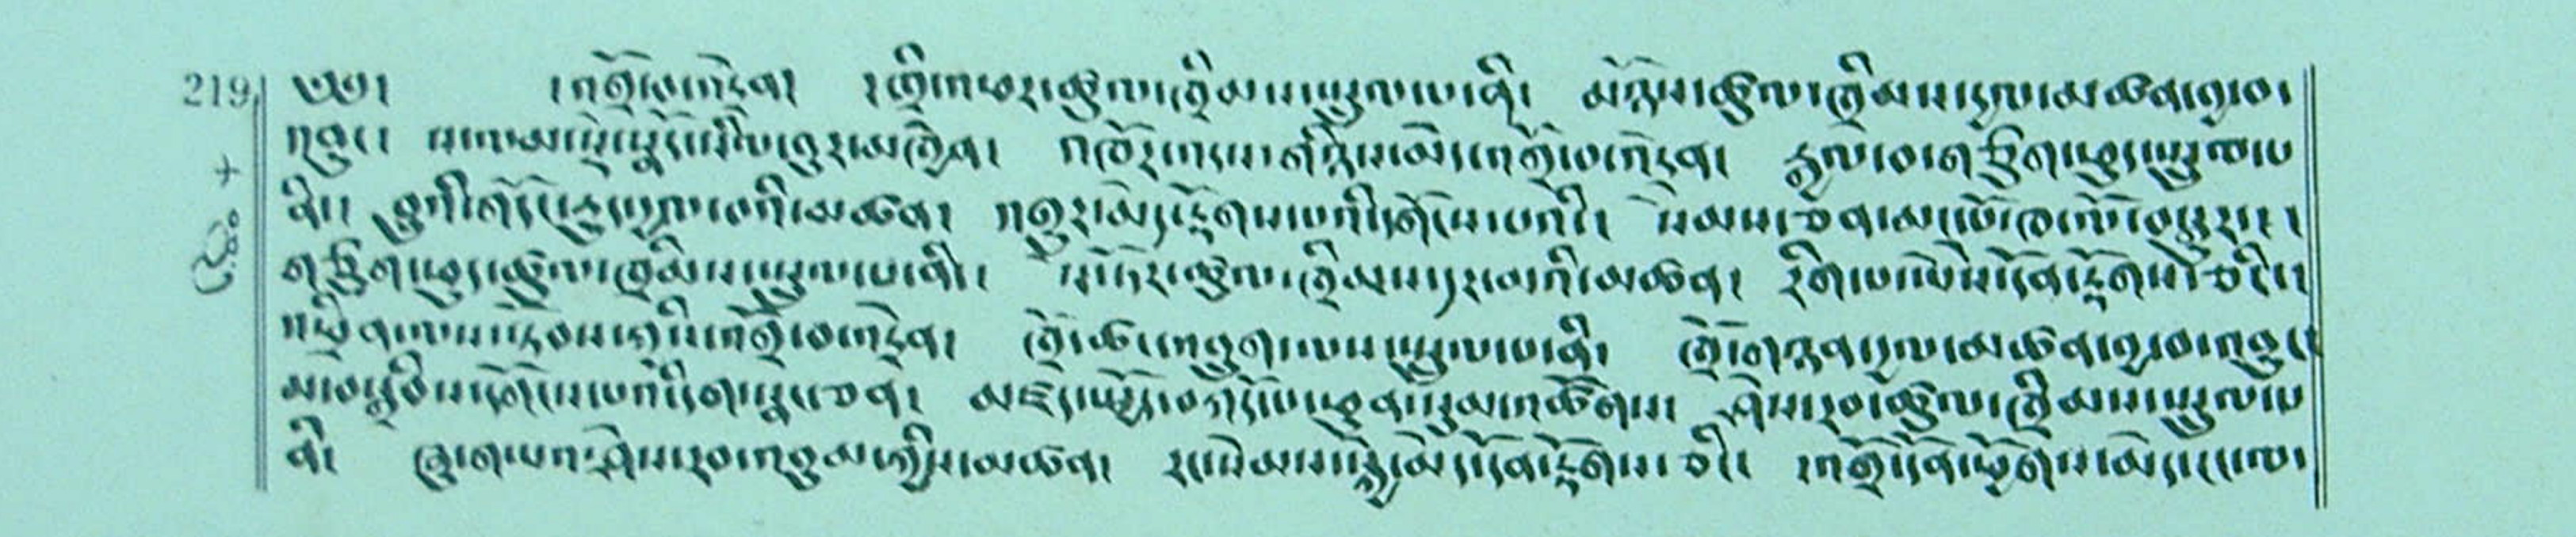༄༅། །འགྲོ་བ་འདྲེན། ཁྲི་འབར་ཚུལ་ཁྲིམས་སྤྲུལ་པ་ནི། གཉོས་ཚུལ་ཁྲིམས་རྒྱལ་མཚན་བྱ་བ་
འབྱུང་། ས་ལམ་སྡེ་སྣོད་སིལ་བུར་མཁྱེན། འཁོར་འདས་གཉིས་མེད་འགྲོ་བ་འདྲེན། རྒྱལ་བ་གཙུག་ཕུད་སྤྲུལ་པ་
ནི། བྲུ་ཡི་གདུང་རྒྱུད་རྒྱལ་བའི་མཚན། འགྱུར་མེད་རྟོགས་པའི་དགོངས་པའི། སེམས་ཅན་མང་པོ་ཁ་ལོ་བསྒྱུར། 
གཙུག་ཕུད་ཚུལ་ཁྲིམས་སྤྲུལ་པ་ནི། སེ་ཏོར་ཚུལ་ཁྲིམས་དར་མའི་མཚན། རང་རིག་ཡེ་ཤེས་དོན་རྟོགས་ཅིང་། 
འཕྲིན་ལས་སྟོབས་ཀྱིས་འགྲོ་བ་འདྲེན། ཁྲོ་ཚང་འབྲུག་ལས་སྤྲུལ་པ་ནི། ཁྲོ་གཉན་རྒྱལ་མཚན་བྱ་བ་འབྱུང་།
 མ་བསྒྲིབས་དགོངས་པའི་དག་སྣང་ཅན། མཛད་སྤྱོད་བཀོད་པ་ཕུན་སུམ་འཚོགས། ཤེས་རབ་ཚུལ་ཁྲིམས་སྤྲུལ་པ་
ནི། ཞུ་གཡས་ཤེས་རབ་འབུམ་གྱིས་མཚན། རང་སེམས་སྐྱེ་མེད་དོན་རྟོགས་ཅིང་། འགྲོ་དོན་ཕྱོགས་མེད་ངང་ལ་